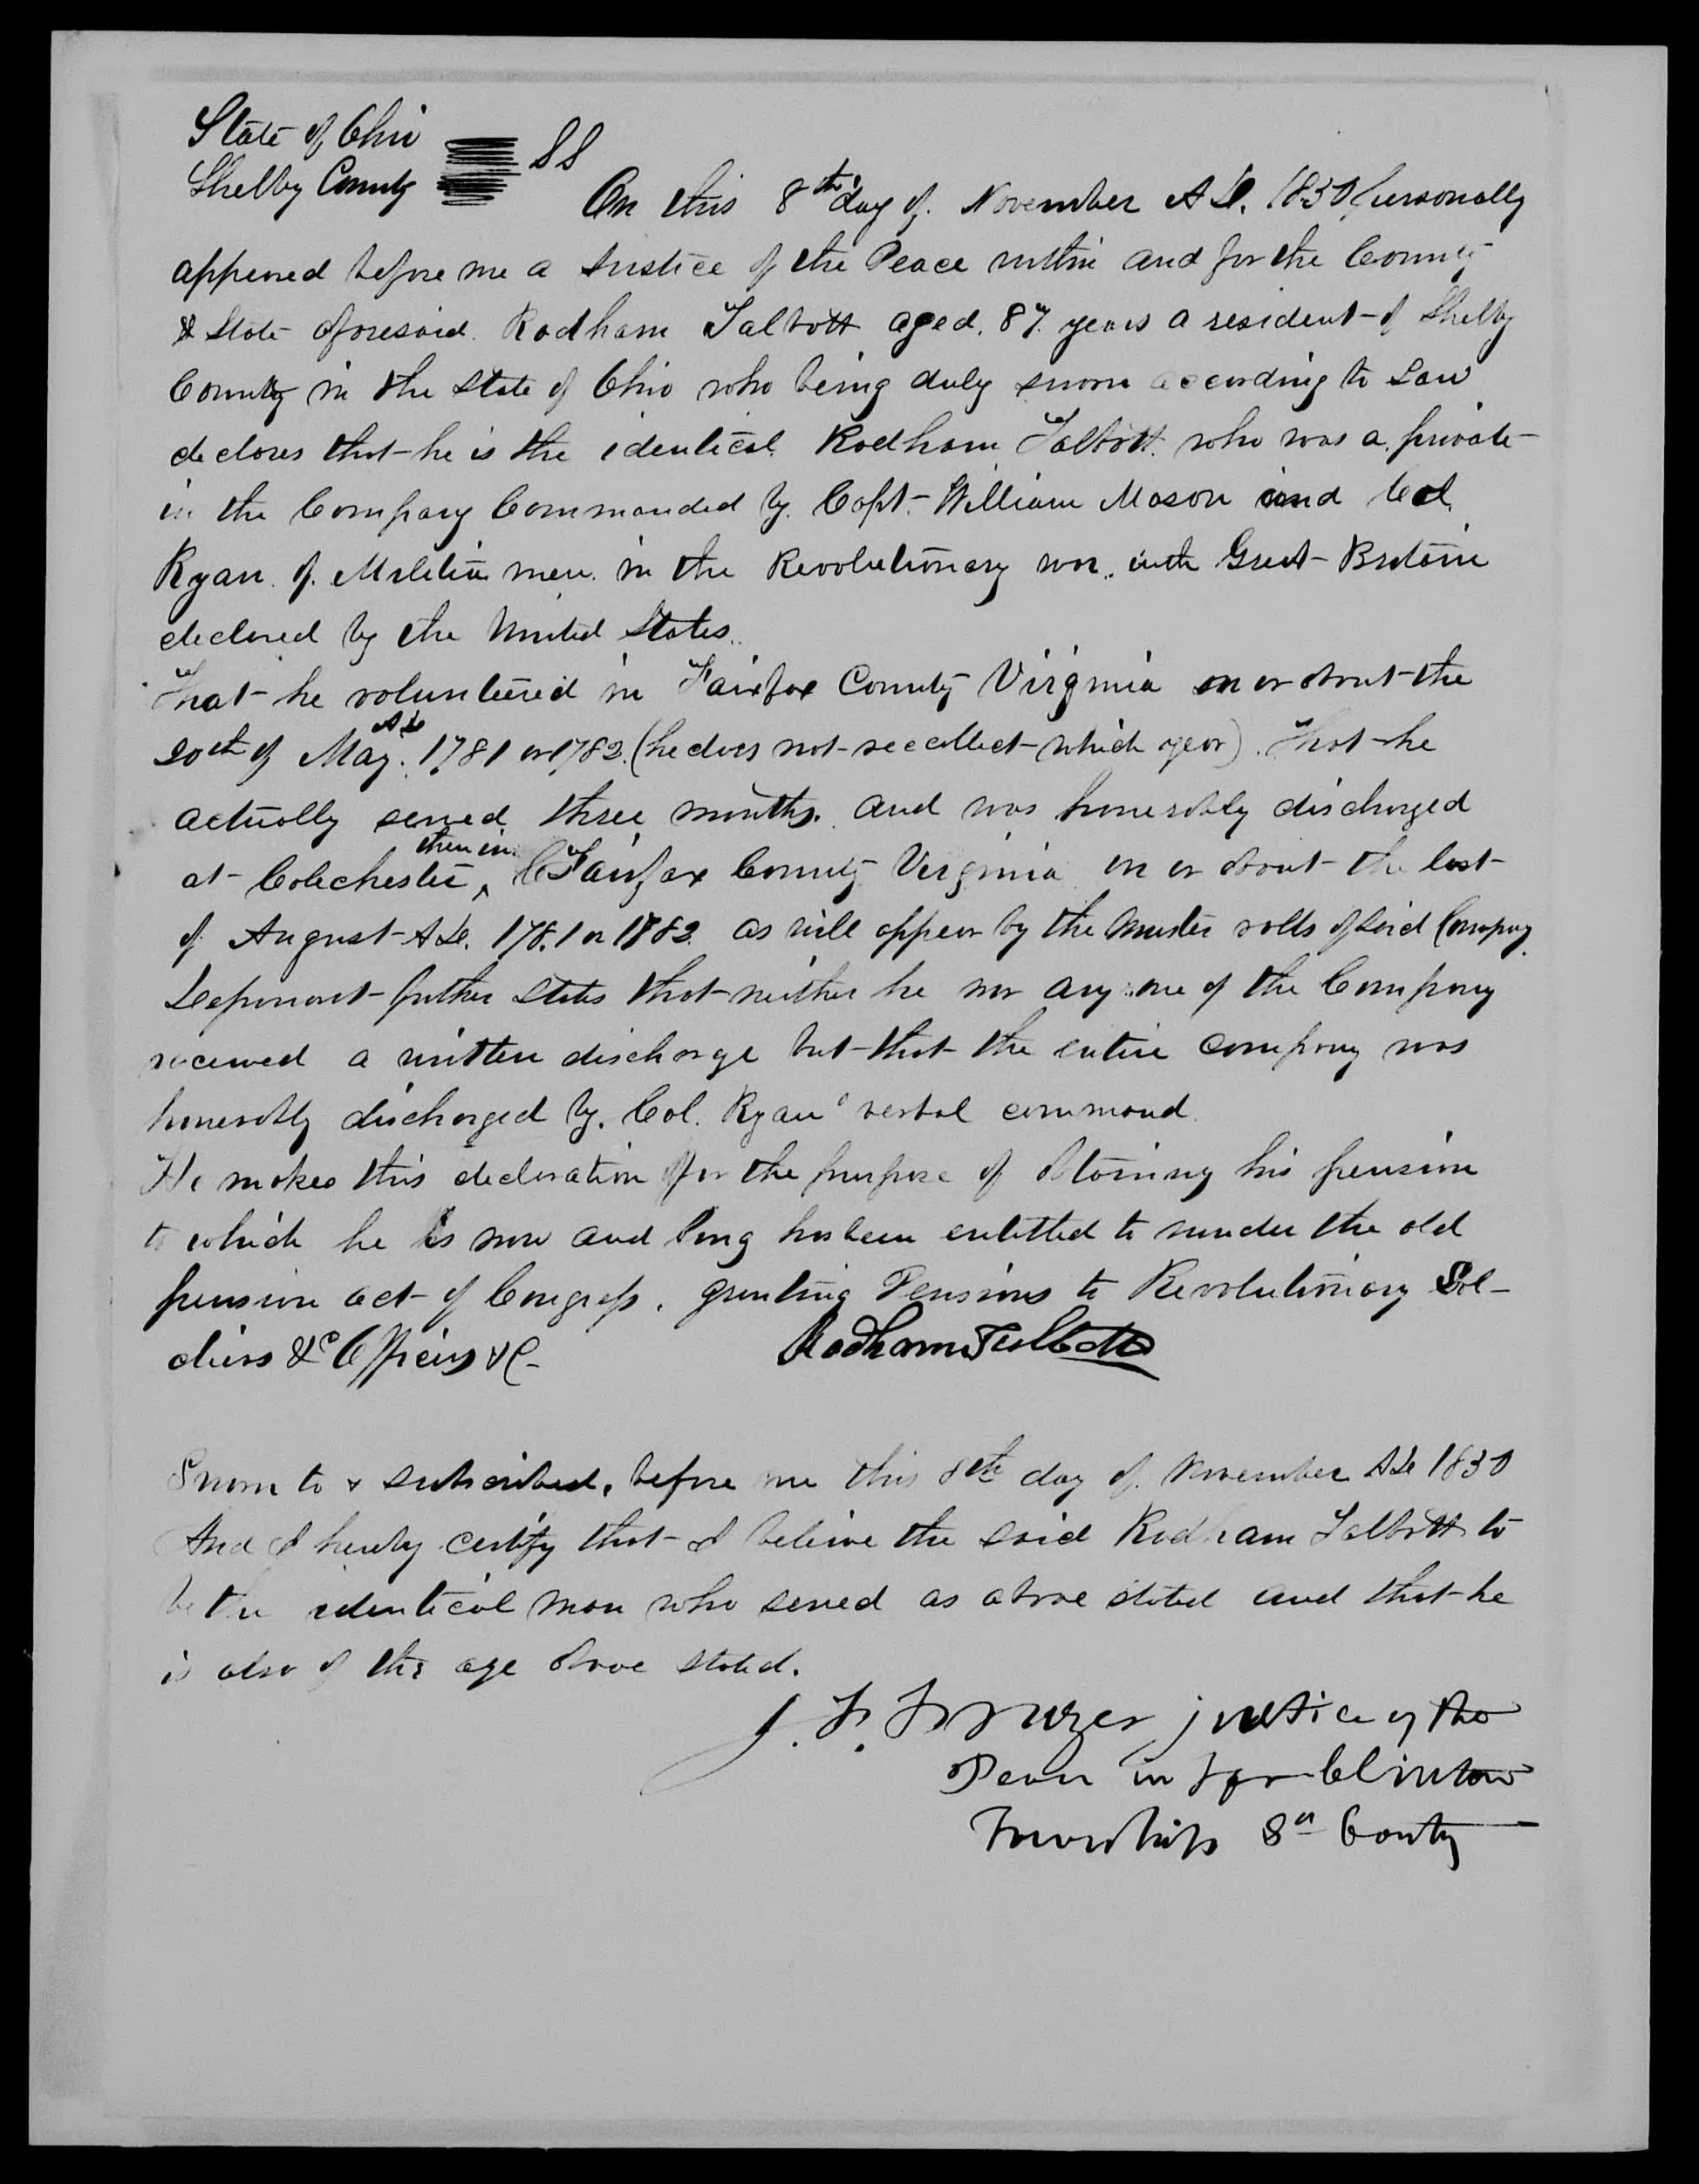State of Ohio
Shelby County
          On this 8th day of November A.D. 1830,
personally appeared before me, a Justice of the Peace within and for the County and State aforesaid, Rodham Talbott, age 87 years, a resident of Shelby County in the State of Ohio who being duly sworn according to law, declares that he is the identical Rodham Talbott, who was a private in the company commanded by Capt. William Mason and Col.
Ryan -illegible- in the Revolutionary War with
Great Britain, declared by the United States.
That he volunteered in Fairfax County, Virginia, on or about the 20th of May, A.D. 1781 or 1782 (he does not recollect which year). That he actually served three months and was honorably discharged at Colechester, in Fairfax County, Virginia, on or about the last of August, A.D. 1781 or 1782, as will appear by the muster rolls of said company.   -illegible- further states that neither he nor any one of the Company received a written discharge, but that the entire company was honorably discharged  by Col. Ryan's verbal command.
He makes this declaration for the purpose of
obtaining his pension to which he is now and long has been entitled to under the old Pension Act of Congress, granting pensions to Revolutionary Soldiers. 
                             Rodham Talbott

Sworn to and subscribed before me this 8th day of November A.D. 1830, and I hereby certify that I believe the said Rodham Talbot 
to be the identical man who served as above stated, and that he is also of the age above stated. 
                J.F. Frazer, Justice of the Peace                 
                                             in from Clinton        
                                             Township and   
                                             (Shelby) County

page: 5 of 7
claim: rejected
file: R 10378, for Rodham Talbott, Virginia